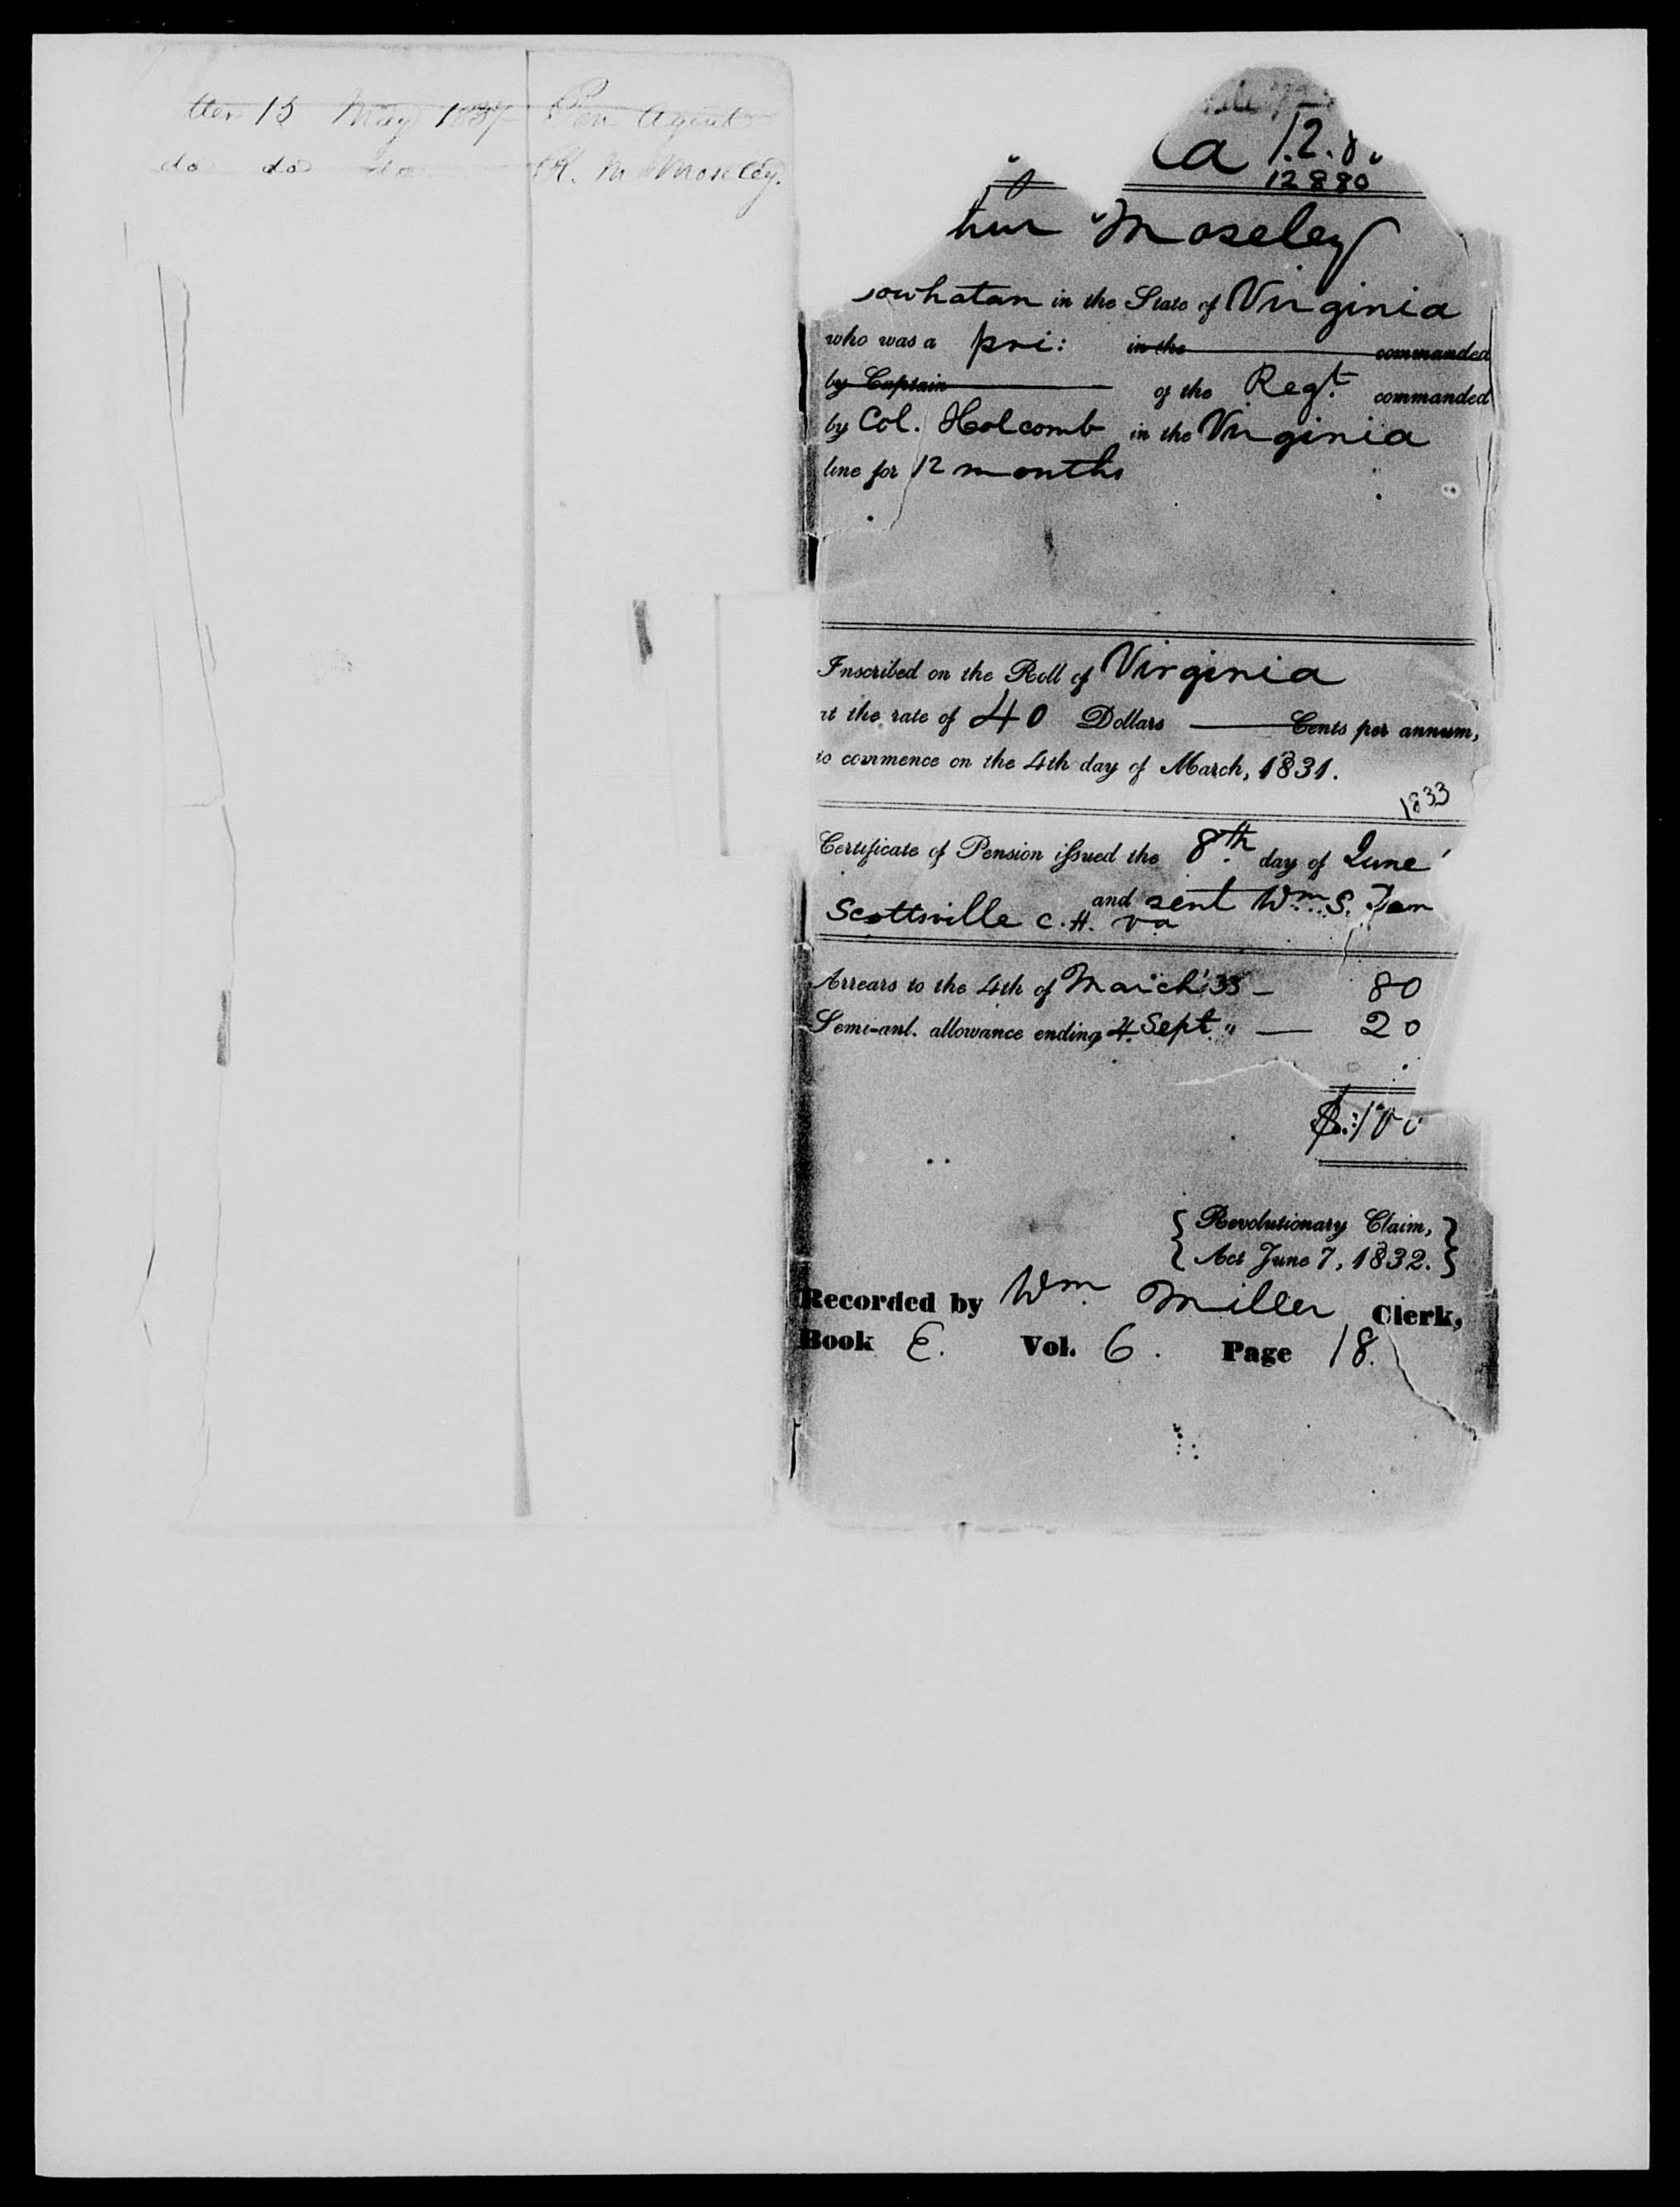[illegible] 13 May 1837 Pen Agent
do do [illegible]  R. M Morley
[illegible] 12880
Arthur Moseley
Powhatan in the State of Virginia
Who was a pri: [begin crossed out text] in the [---} commanded 
by Captain [end of crossed out text] [---] of the Regt. commanded
by Col. Holcomb in the Virginia
line for 12 months.

Inscribed on the Roll of Virginia
At the rate of 40 Dollars [begin crossed out text] Cents [end crossed out text] per annum,
to commence on the 4th day of March, 1831.
Certificate of Pension issued the 8th day of June 1833
And sent Wm. S. Dance
Scottsville C.H. Va
Arrears to the 4th of March ’33 – 80
Semi-anl. Allowance ending 4 Sept.” – 20
$100
Revolutionary Claim,
Act June 7, 1832.
Recorded by Wm. Miller Clerk.
Book E.
Vol. 6.
Page 18.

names: Wm Miller; [BLANK] Holcomb; [ILLEGIBLE] Moseley; R M Moseley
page: 2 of 21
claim: survivor's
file: S. 7240, for Arthur Moseley, Virginia